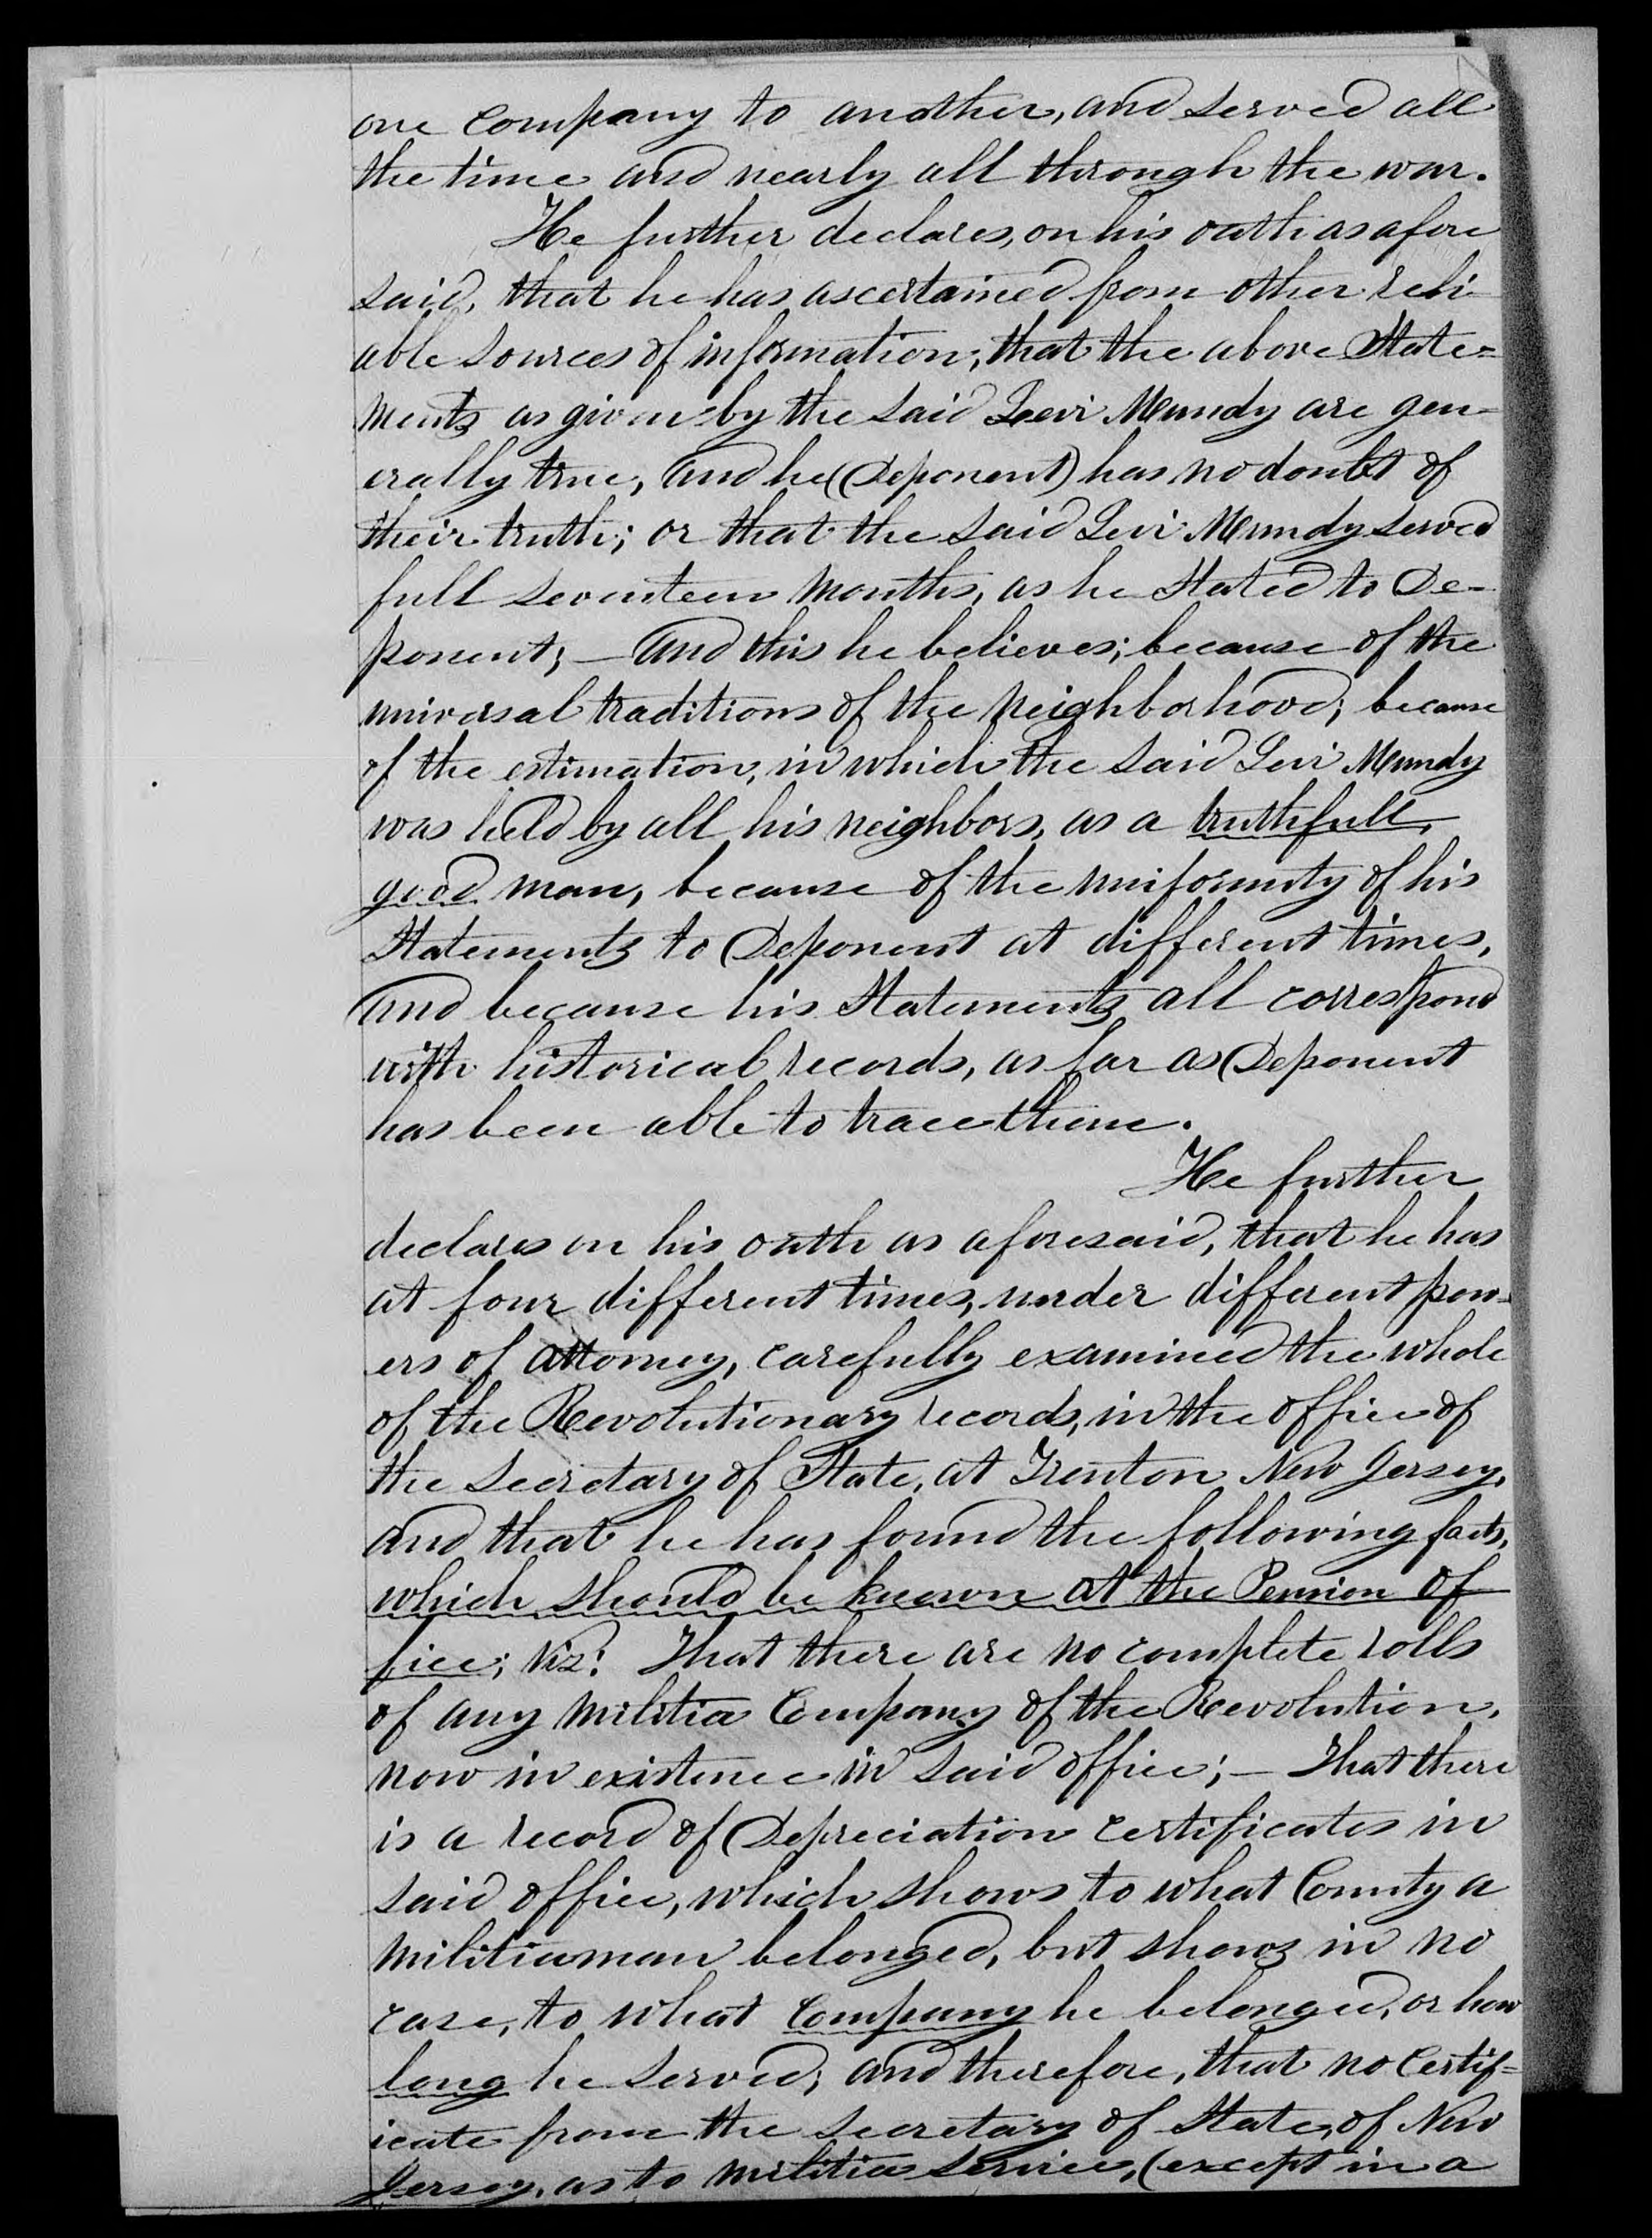...one company to another and served all the time and nearly all through the war.

He further declares on his oath as aforesaid, that he has ascertained from other reliable sources of information that the above statements, as given by the said Levi Mundy, are generally true and he (deponent) has no doubt of their truth; or that the said Levi Mundy served full seventeen months as he stated to deponent. And this he believes because of the universal traditions of the neighborhood; because of the estimation in which the said Levi Mundy was held by all his neighbors as a truthful, good man, because of the uniformity of his statements to deponent at different times, and because his statements all correspond with historical records as far as deponent has been able to trace them.

He further declares on his oath as aforesaid that he has at four different times under different powers of attorney carefully examined the whole of the Revolutionary records in the office of the Secretary of State at Trenton, New Jersey, and that he has found the following facts, which should be known at the Pension office. Viz.: That there are no complete rolls of any Militia Company of the Revolution now in existence in said office; That there is a record of Depreciation Certificates in said office, which shows to what County a Militia man belonged, but shows in no case, to what company he belonged, or how long he served and therefore, that no Certificate from the Secretary of State of New Jersey, as to militia services (except in a...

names: Levi Mundy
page: 21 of 95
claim: survivor's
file: S 2889, for Levi Mundy, New Jersey